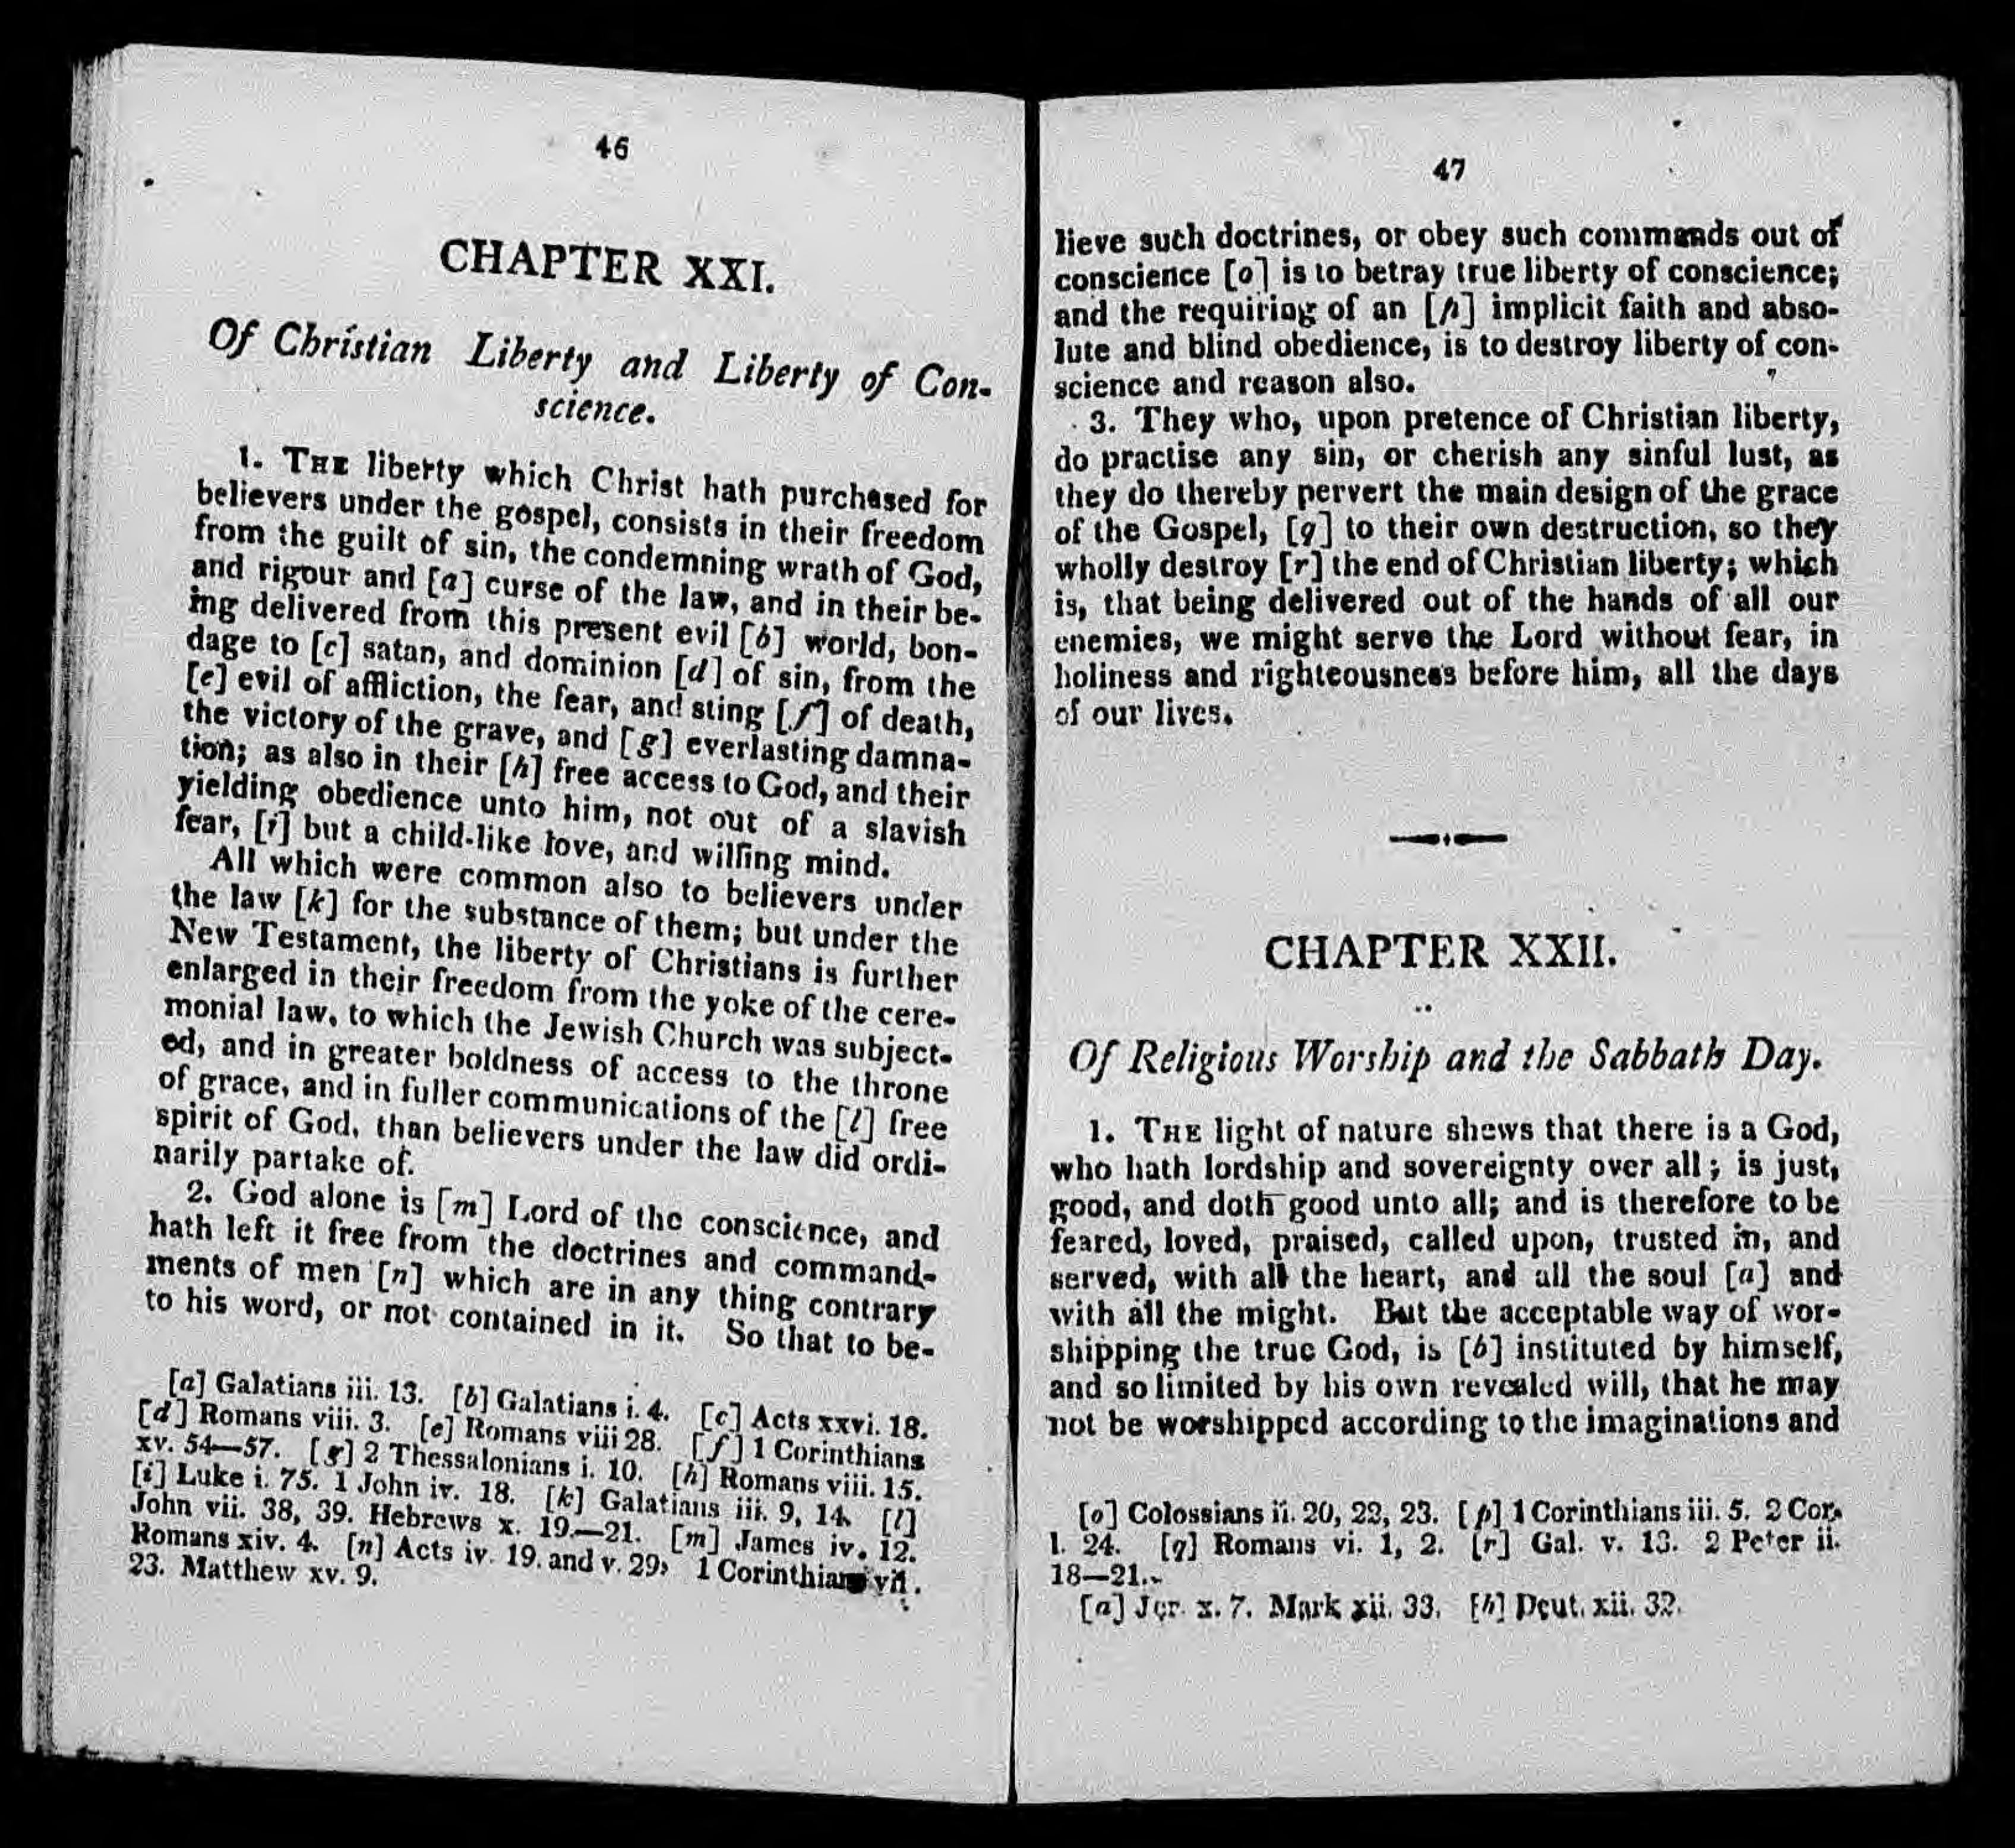46
CHAPTER XXI.
Of Christian Liberty and Liberty of Con
Science.
1. The liberty which Christ hath purchased for
believers under the gospel, consists in their freedom
from the guilt of sin, the condemning wrath of God,
and rigour and [a] curse of the law, and in their being
delivered from this present evil [b] world, bondage
to [c] satan, and dominion of sin, from the
evil of affiction, the fear, and sting [f]of death,
the victory of the grave, and [g] everlasting damnation; as also in their [h] free access to God, and their
wielding obedience unto him, not out of a slavish
fear[i] , but a child-like love, and willing mind.
All which were common also to believers under the
law [k] for the substance of them; but under the
New Testament, the liberty of Christians is further
enlarged in their freedom from the yoke of the ceremonial
law, to which the Jewish Church was subject.
ed, and in greater boldness of access to the throne
of grace, and in fuller communications of the [l] free
spirit of God, than believers under the law did ordinarily
partake of
2. God alone is [m] Lord of the conscience, and
hath left it free from the doctrines and commandments
of men [n] which are in any thing contrary
to his word, or or contained in it. So that to be

[a] Galatians iii. 13. [b] Galatians i.4. [c] Acts xxvi. 18.
[d] Romans viii 3. [e] Romans viii: 28. [f] Corinthians . xv 54 -57 [g] Thessalonians i. 10. [h] Romans viii. 15.
[i] Luke i 75. John iv. 18. ) Galatians it 9, 14
John vii, 38, 39, Hebrews x. 19-21.[m] James iv. 12.
Romans xiv. 4  [n] Acts iv. 19 and  v. 29 1 Corinthians vii. 23. Matthew xv. 9.

47
lieve such doctrines, or obey such commands out of conscience [o] is to betray true liberty of conscience; and the requiring of an [p] implicit faith and absolute
and blind obedience, is to destroy liberty of conscience
and reason also.
3. They who, upon pretence of Christian liberty,
do practise any sin, or cherish any sinful lust, as
they do thereby pervert the main design of the grace
of the Gospel,  [q] as to their own destruction, so they
wholly destroy [r] the end of Christian liberty; which
is, that being delivered out of the hands of all our
enemies, we might serve the Lord without fear, in
holiness and righteousness before him, all the days
of our lives.
CHAPTER XXII.
Of Religious Worship and the Sabbath Day
1. THE light of nature shows that there is a God,
who hath lordship and sovereignty over all, is just
good, and doth good unto all; and is therefore to be
feared, loved, praised, called upon trusted in, and
served, with all the heart, and all the soul [a] and
with all the might. But the acceptable way of worshipping
the true God, is [b] instituted by himself,
and so limited by his own revealed will, that he may
not be worshipped according to the imaginations and
[o] Colossians ii. 20, 22, 23. [p] 1 Corinthians iii. 5, 2 Cor-
1. 24. [q] Romans vi. 1, 2. [r] Gal. v. 13. 2 Peter ii 
18 -- 21.
[a] Jer. x. 7 Mark xii. 33. [h] Deut. xii. 32.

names: John, Matthew, Peter, James, Jer, Mark, John, Luke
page: 35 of 98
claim: widow's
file: W. 8398, William Broadway, S.C.